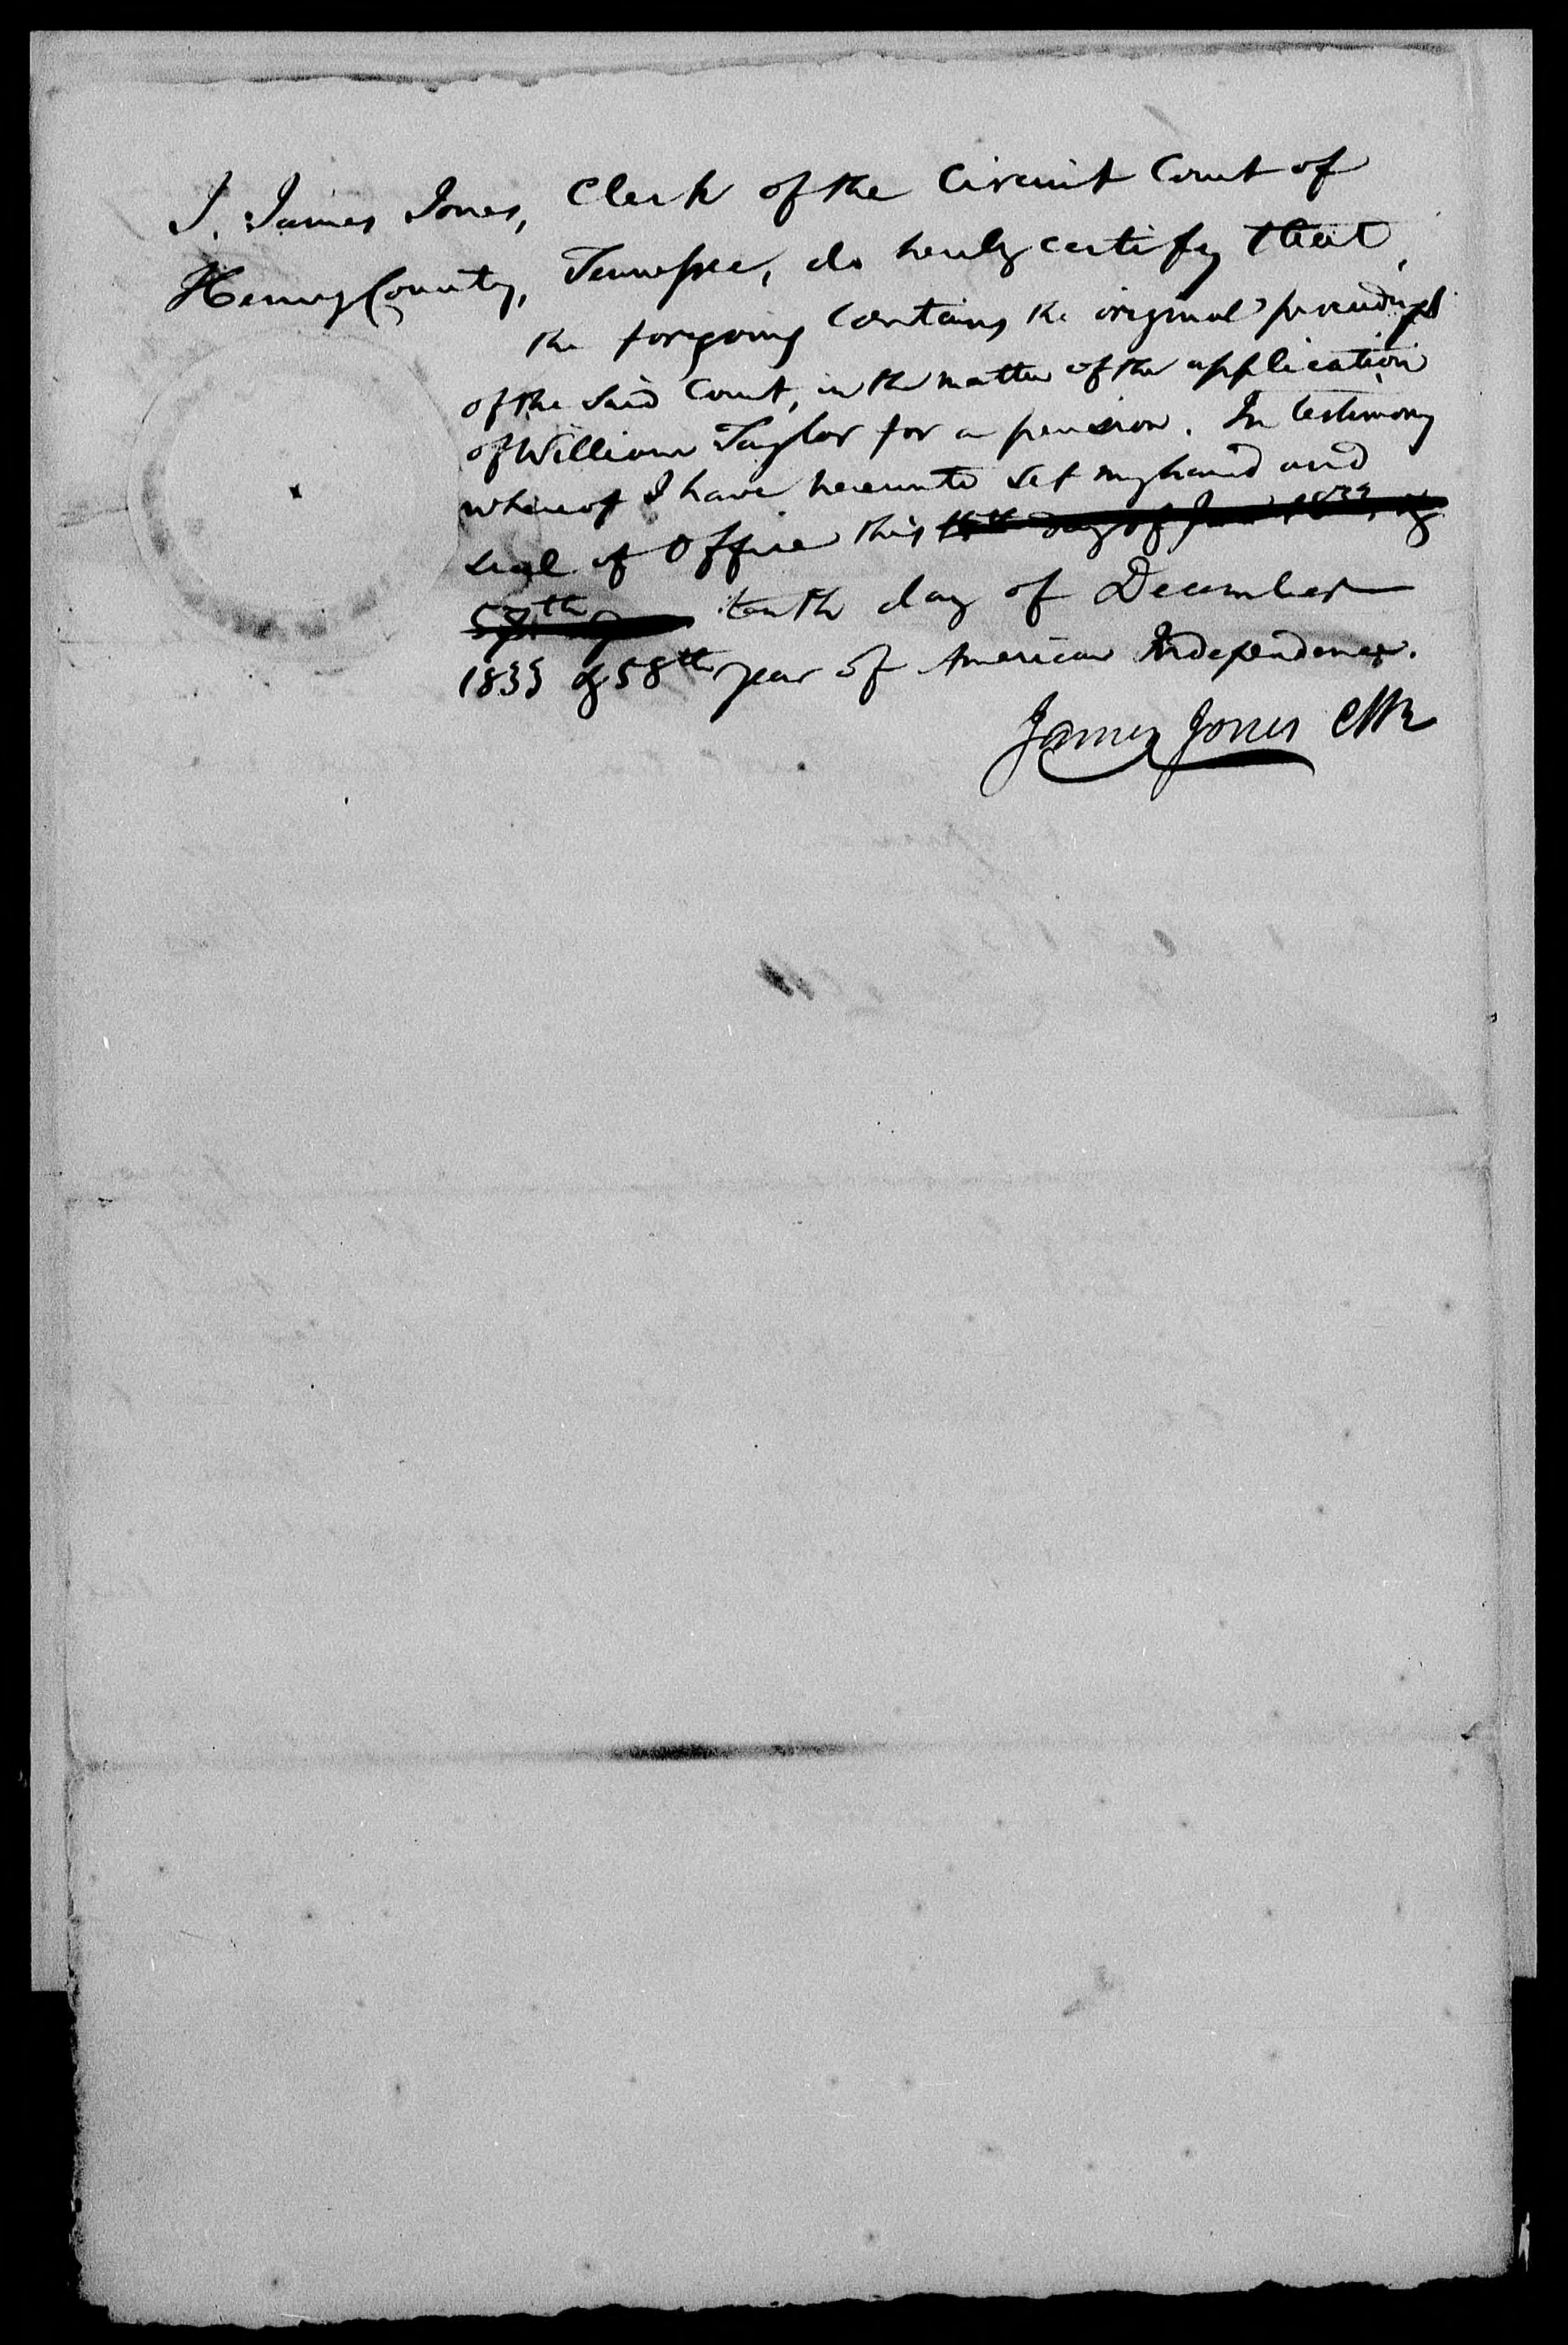I, James Jones, Clerk of the Circuit Court of Henry County, Tennessee, do hereby certify that the foregoing contains the original proceedings of the said Court, in the matter of the application of William Taylor for a pension. In testimony whereof I have hereunto set my hand and seal of office this tenth day of December 1833 & 58th year of American Independence.
James Jones Clk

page: 21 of 33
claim: rejected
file: R 10439, for William Taylor, North Carolina